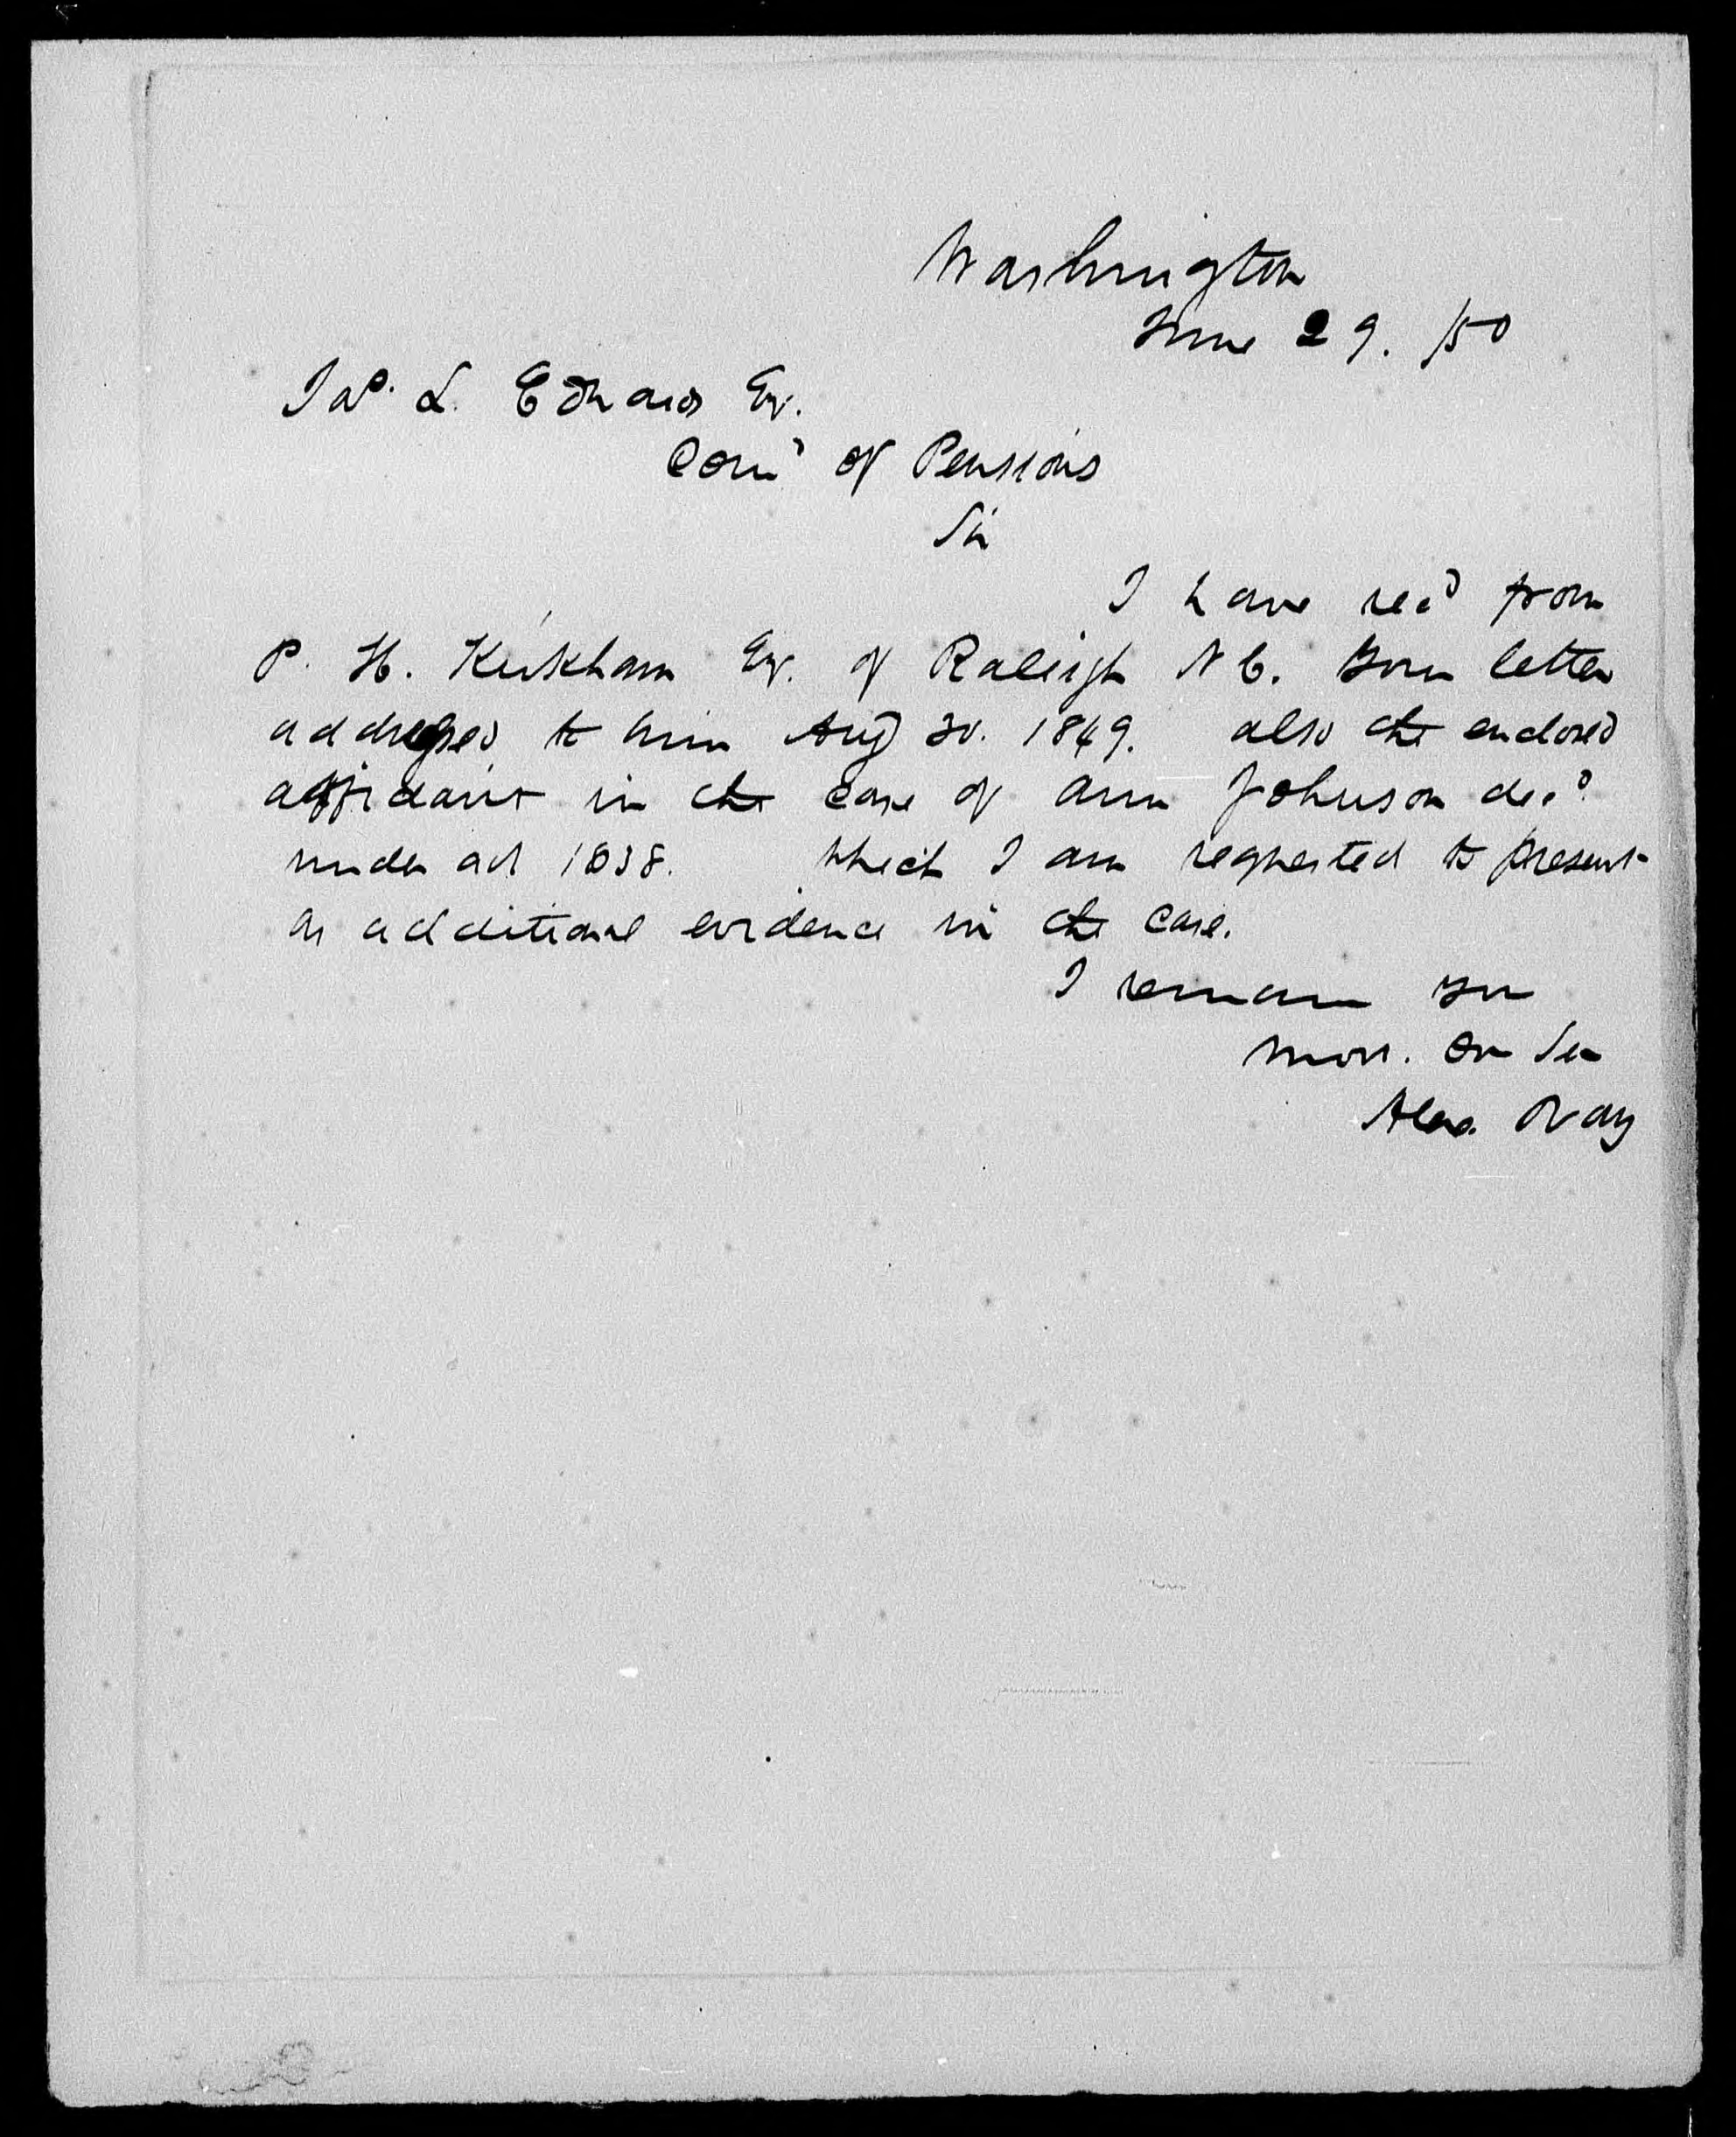Washington 
March 29th 1850
James L. Edwards Esq
Commissioner of Pensions
Sir, 
I have received from P. H. Kirkham, Esq. of Raleigh, N.C. your letter addressed to him August 20, 1849. Also the enclosed affidavit in the case of Ann Johnson deceased, under Act 1838, which I am requested to present additional evidence in the case.
I remain your most obedient servant, 
Alex Ray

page: 56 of 74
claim: rejected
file: R. 5600, for Abel Johnson, North Carolina